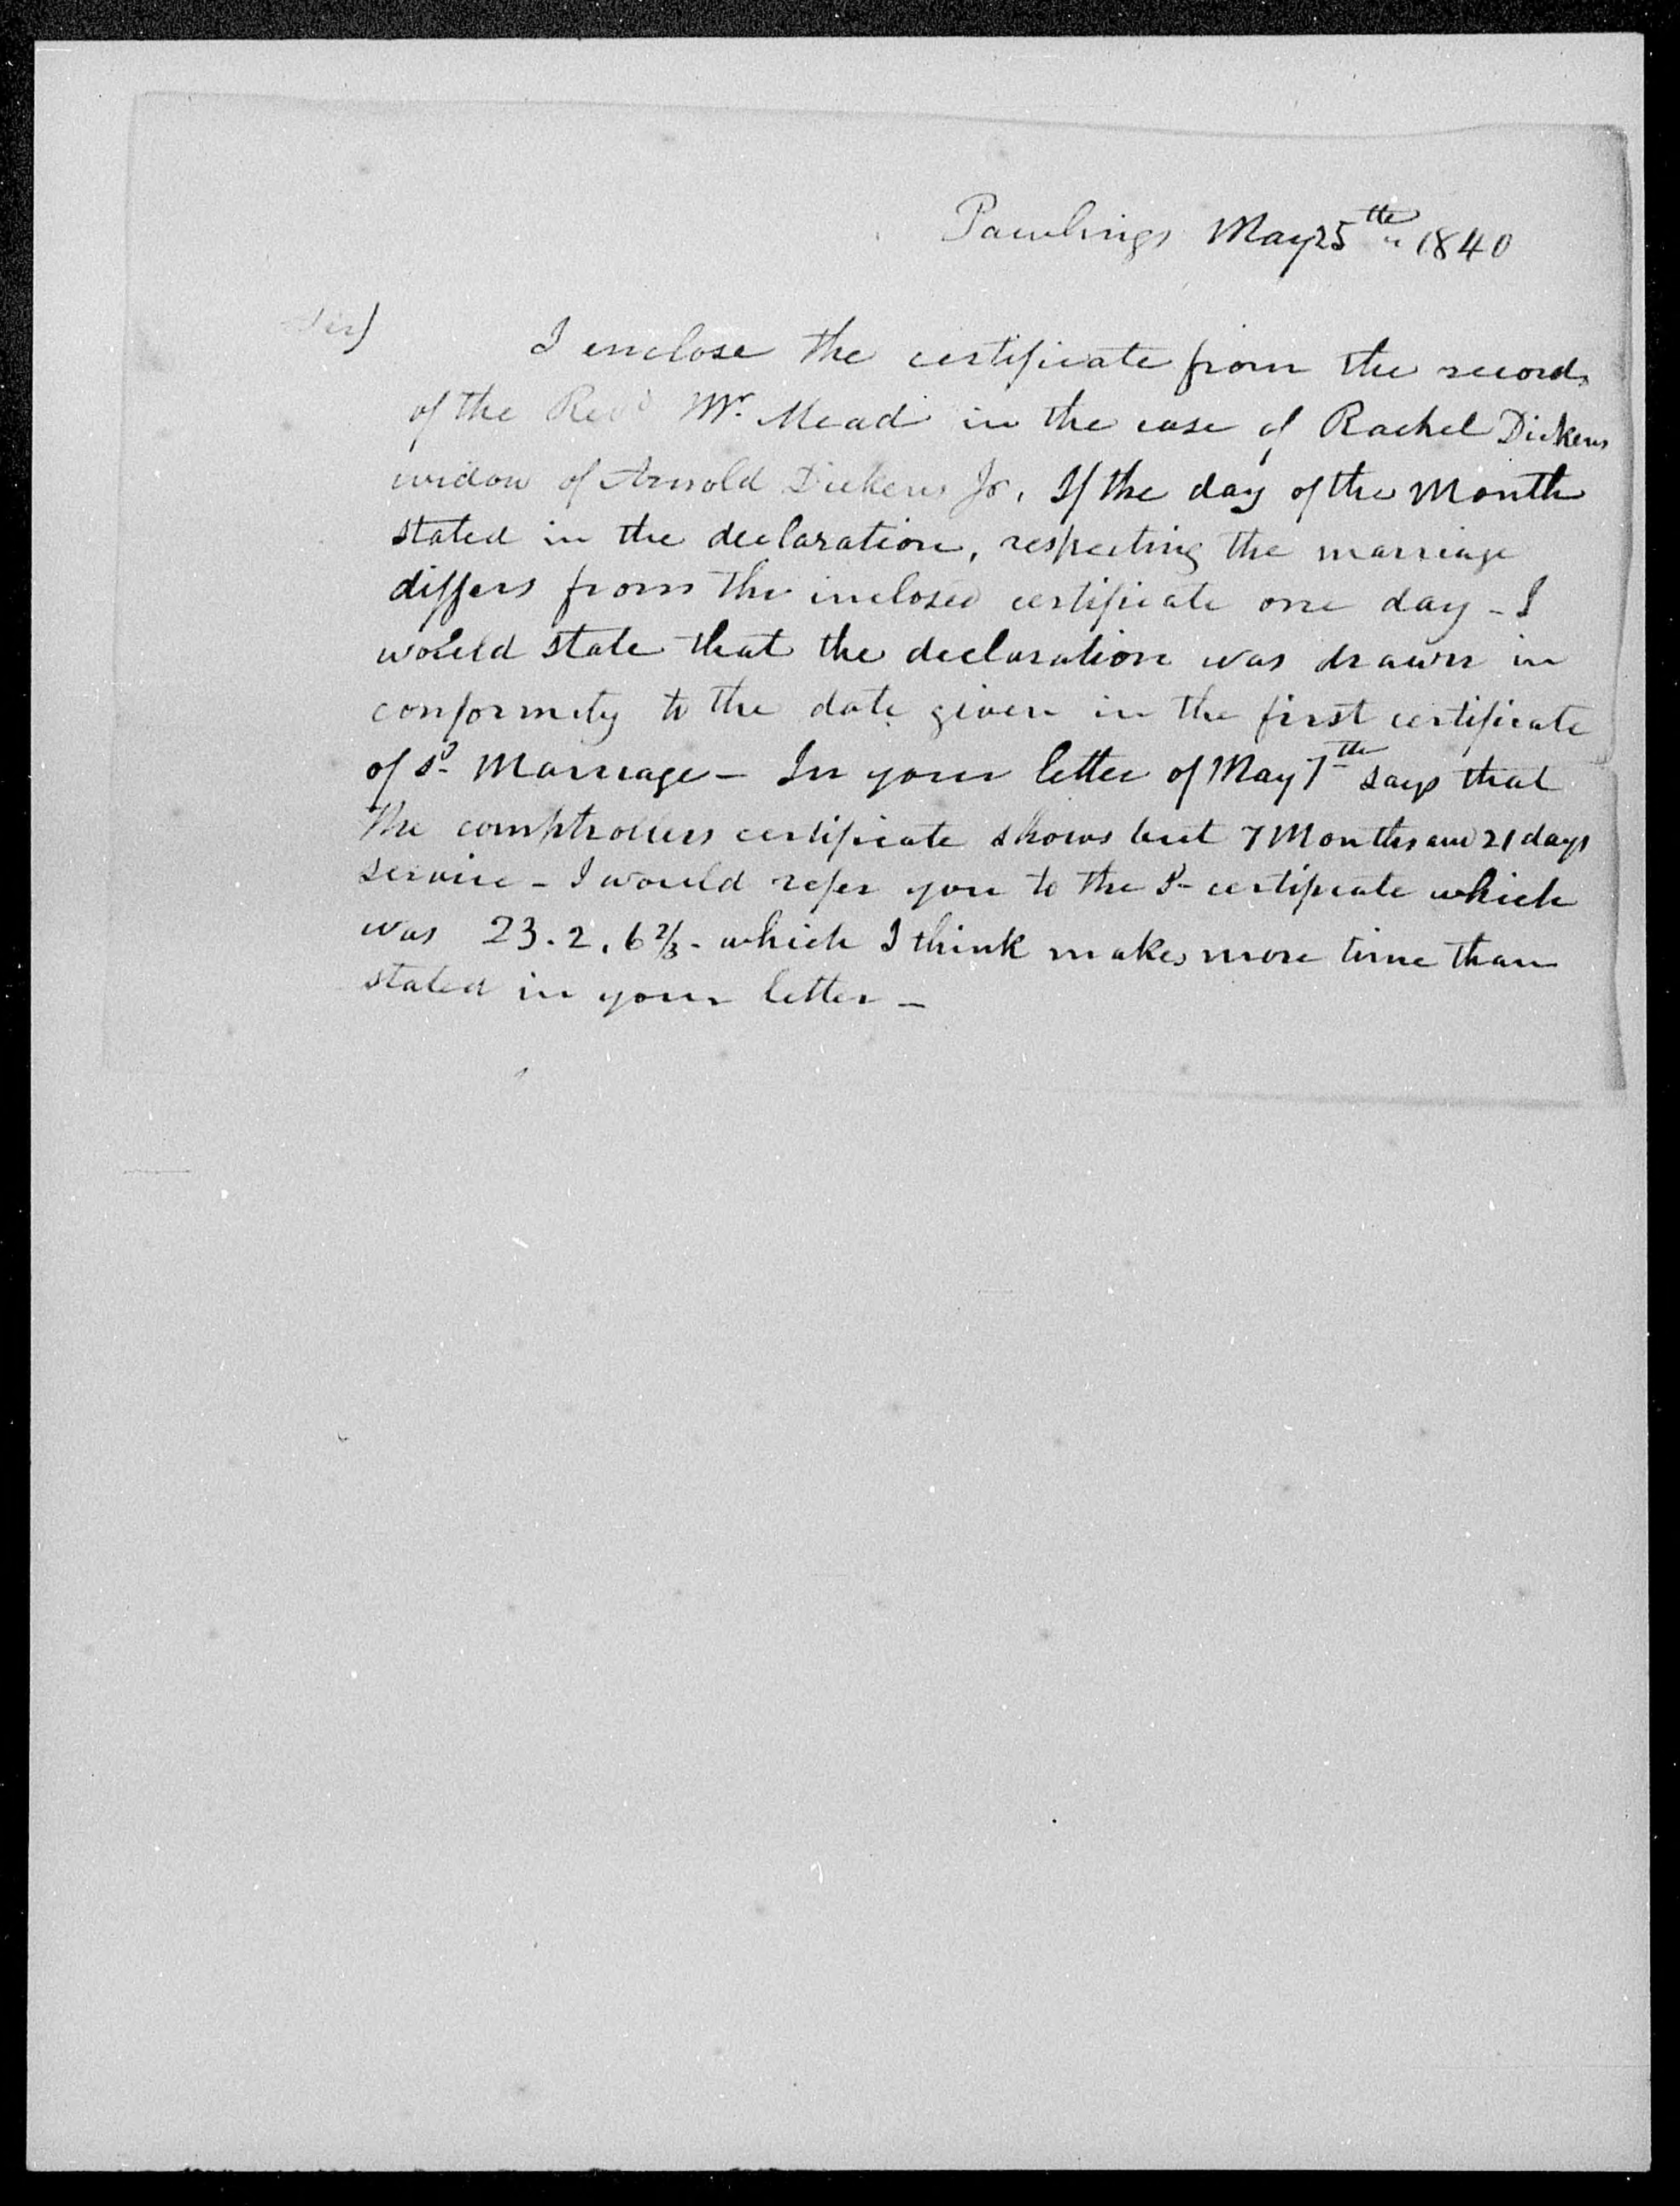Pawlings
May 25th 1840

Sir
I enclose the certificate from the records of the Revd Mr. Mead in the case of Rachel Dickens widow of Arnold Dickens Jr.  If the day of the month stated in the declaration, respecting the marriage differs from the inclosed certificate one day, I would state that the declaration was drawn in conformity to the date given in the first certificate of sd marriage - In your letter of May 7th says that the comptrollers certificate shows but 7 Months and 21 days service - I would refer you to the 8- certificate which was 23.2.6 2/3 - which I think makes more time than stated in your letter -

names: Arnold Dickens, Rachel Dickens, Mead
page: 11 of 29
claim: widow's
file: W. 17720, Arnold Dickens, New York